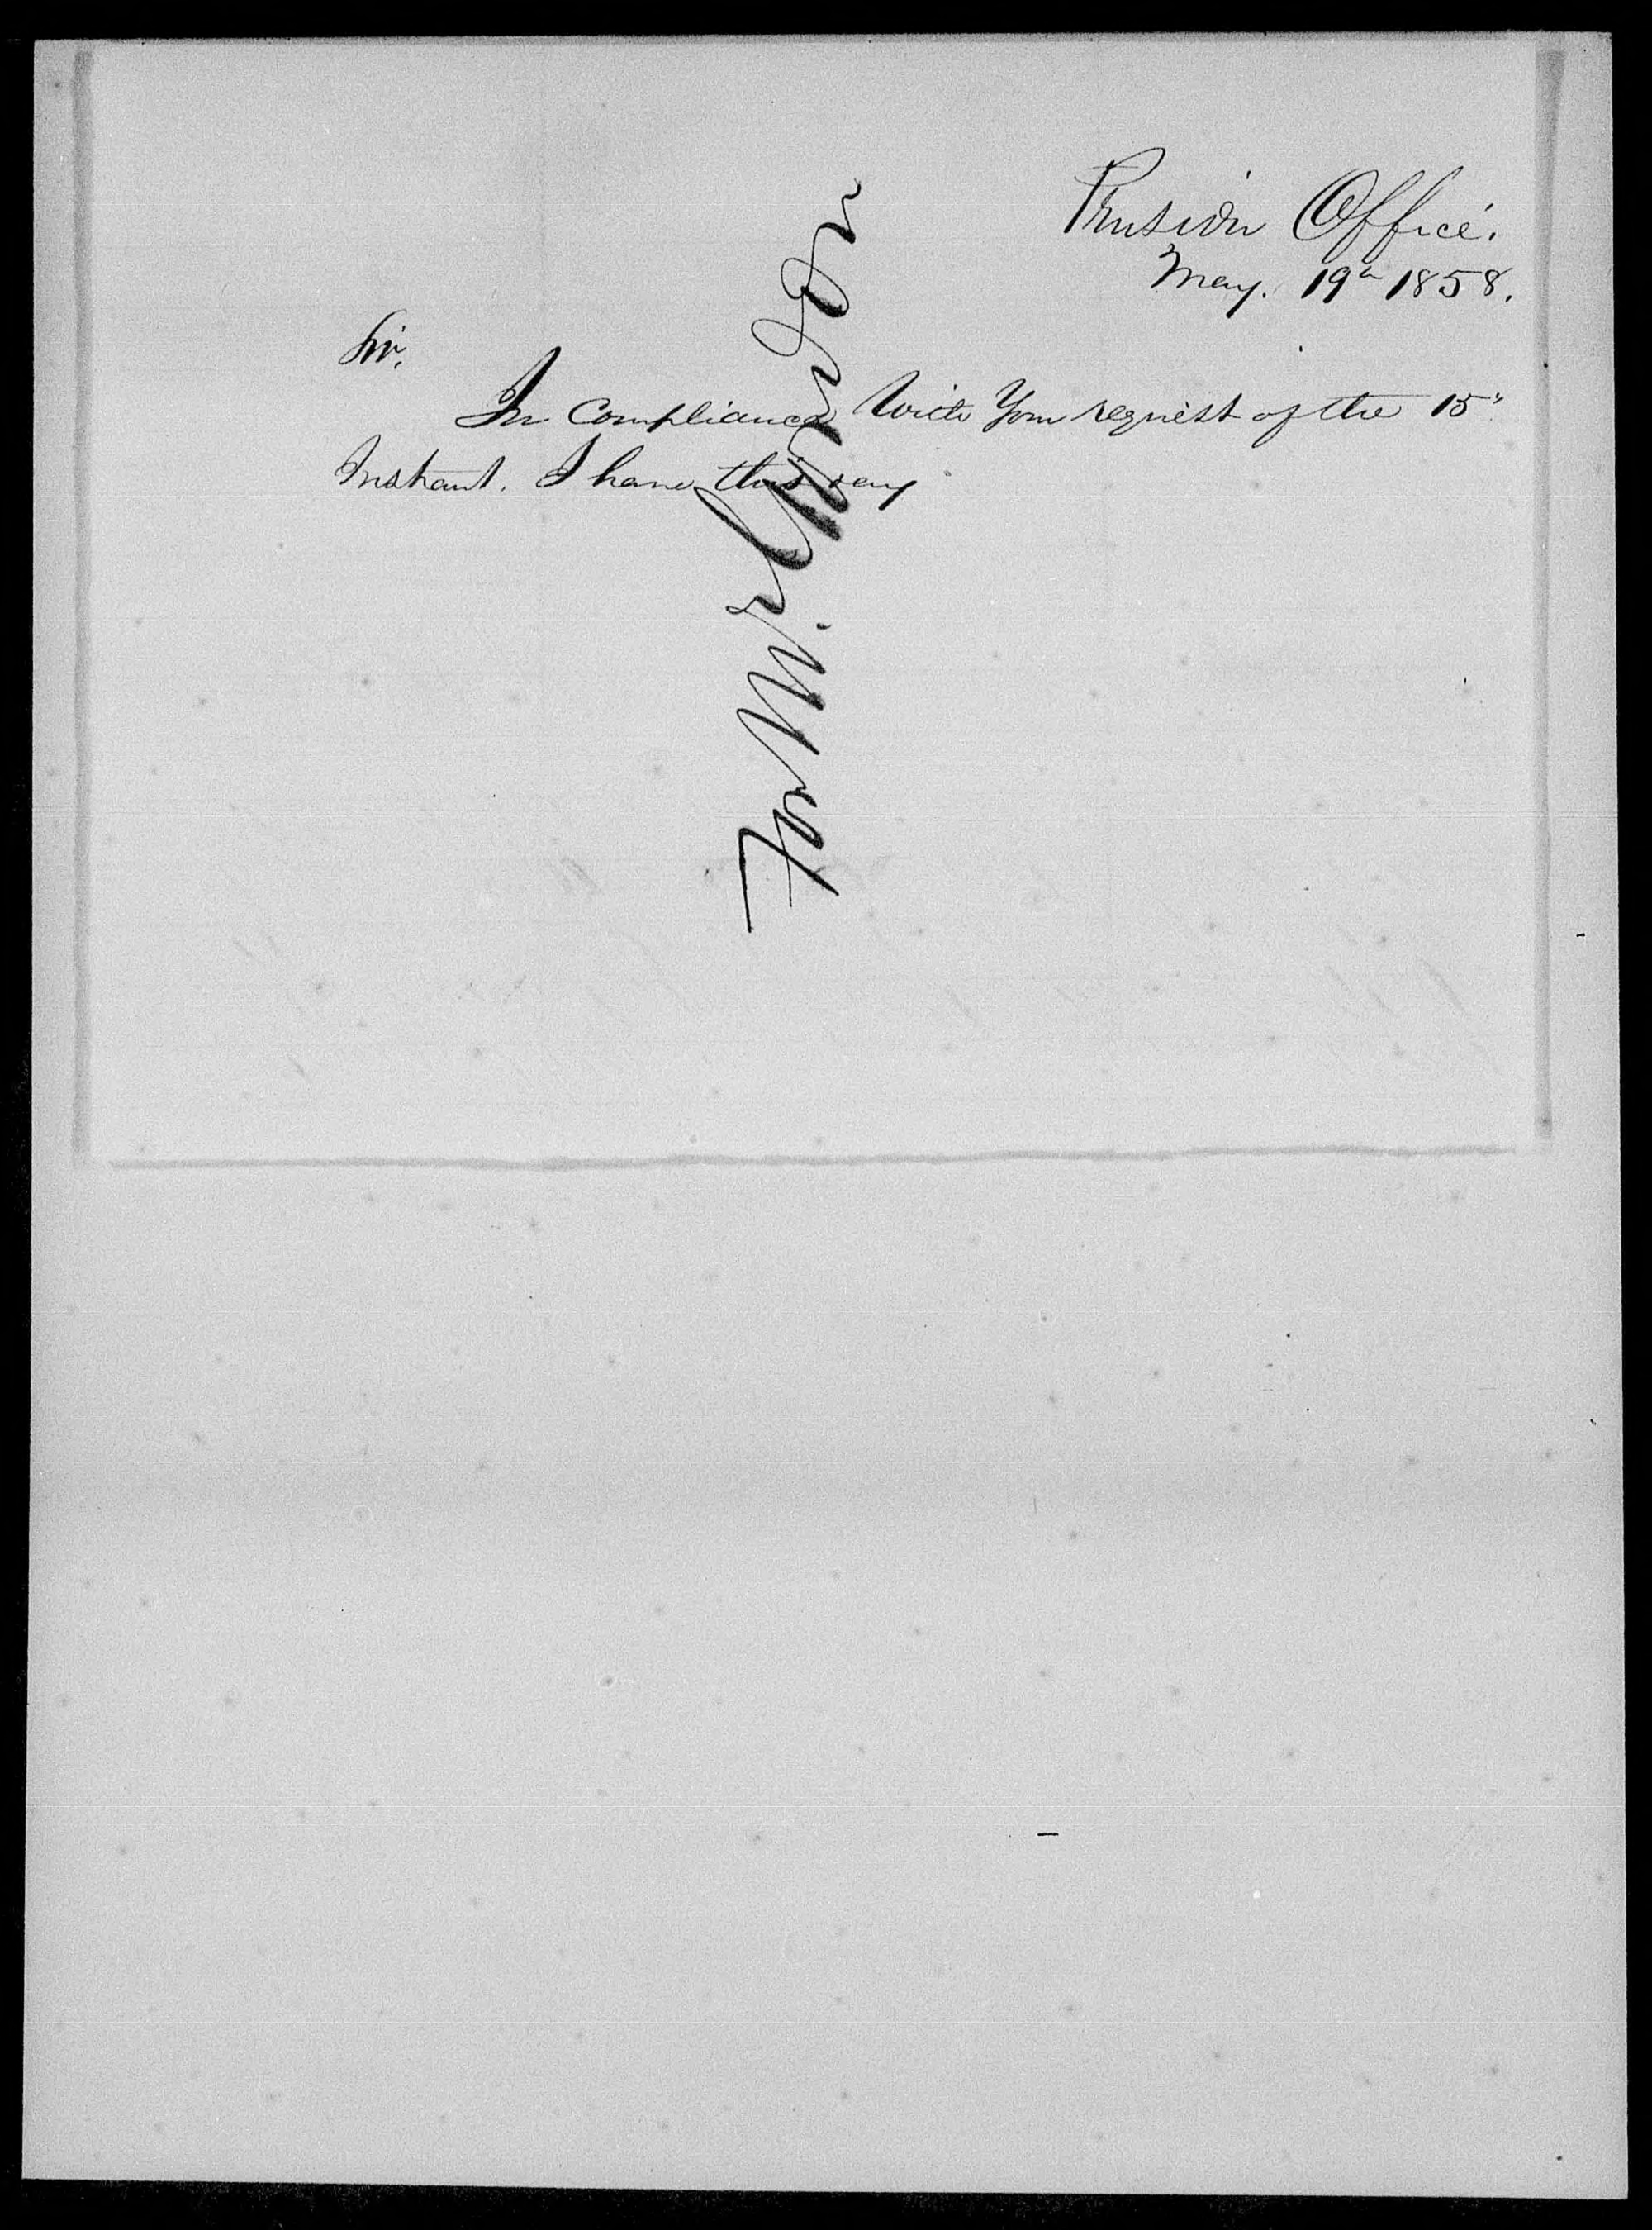Pension Office
May. 19 1858
Sir.
In compliance with your request of the 15
[illegible]. I have this levy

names: W Gordon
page: 18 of 48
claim: widow's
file: W. 10476, James Hodge, New York